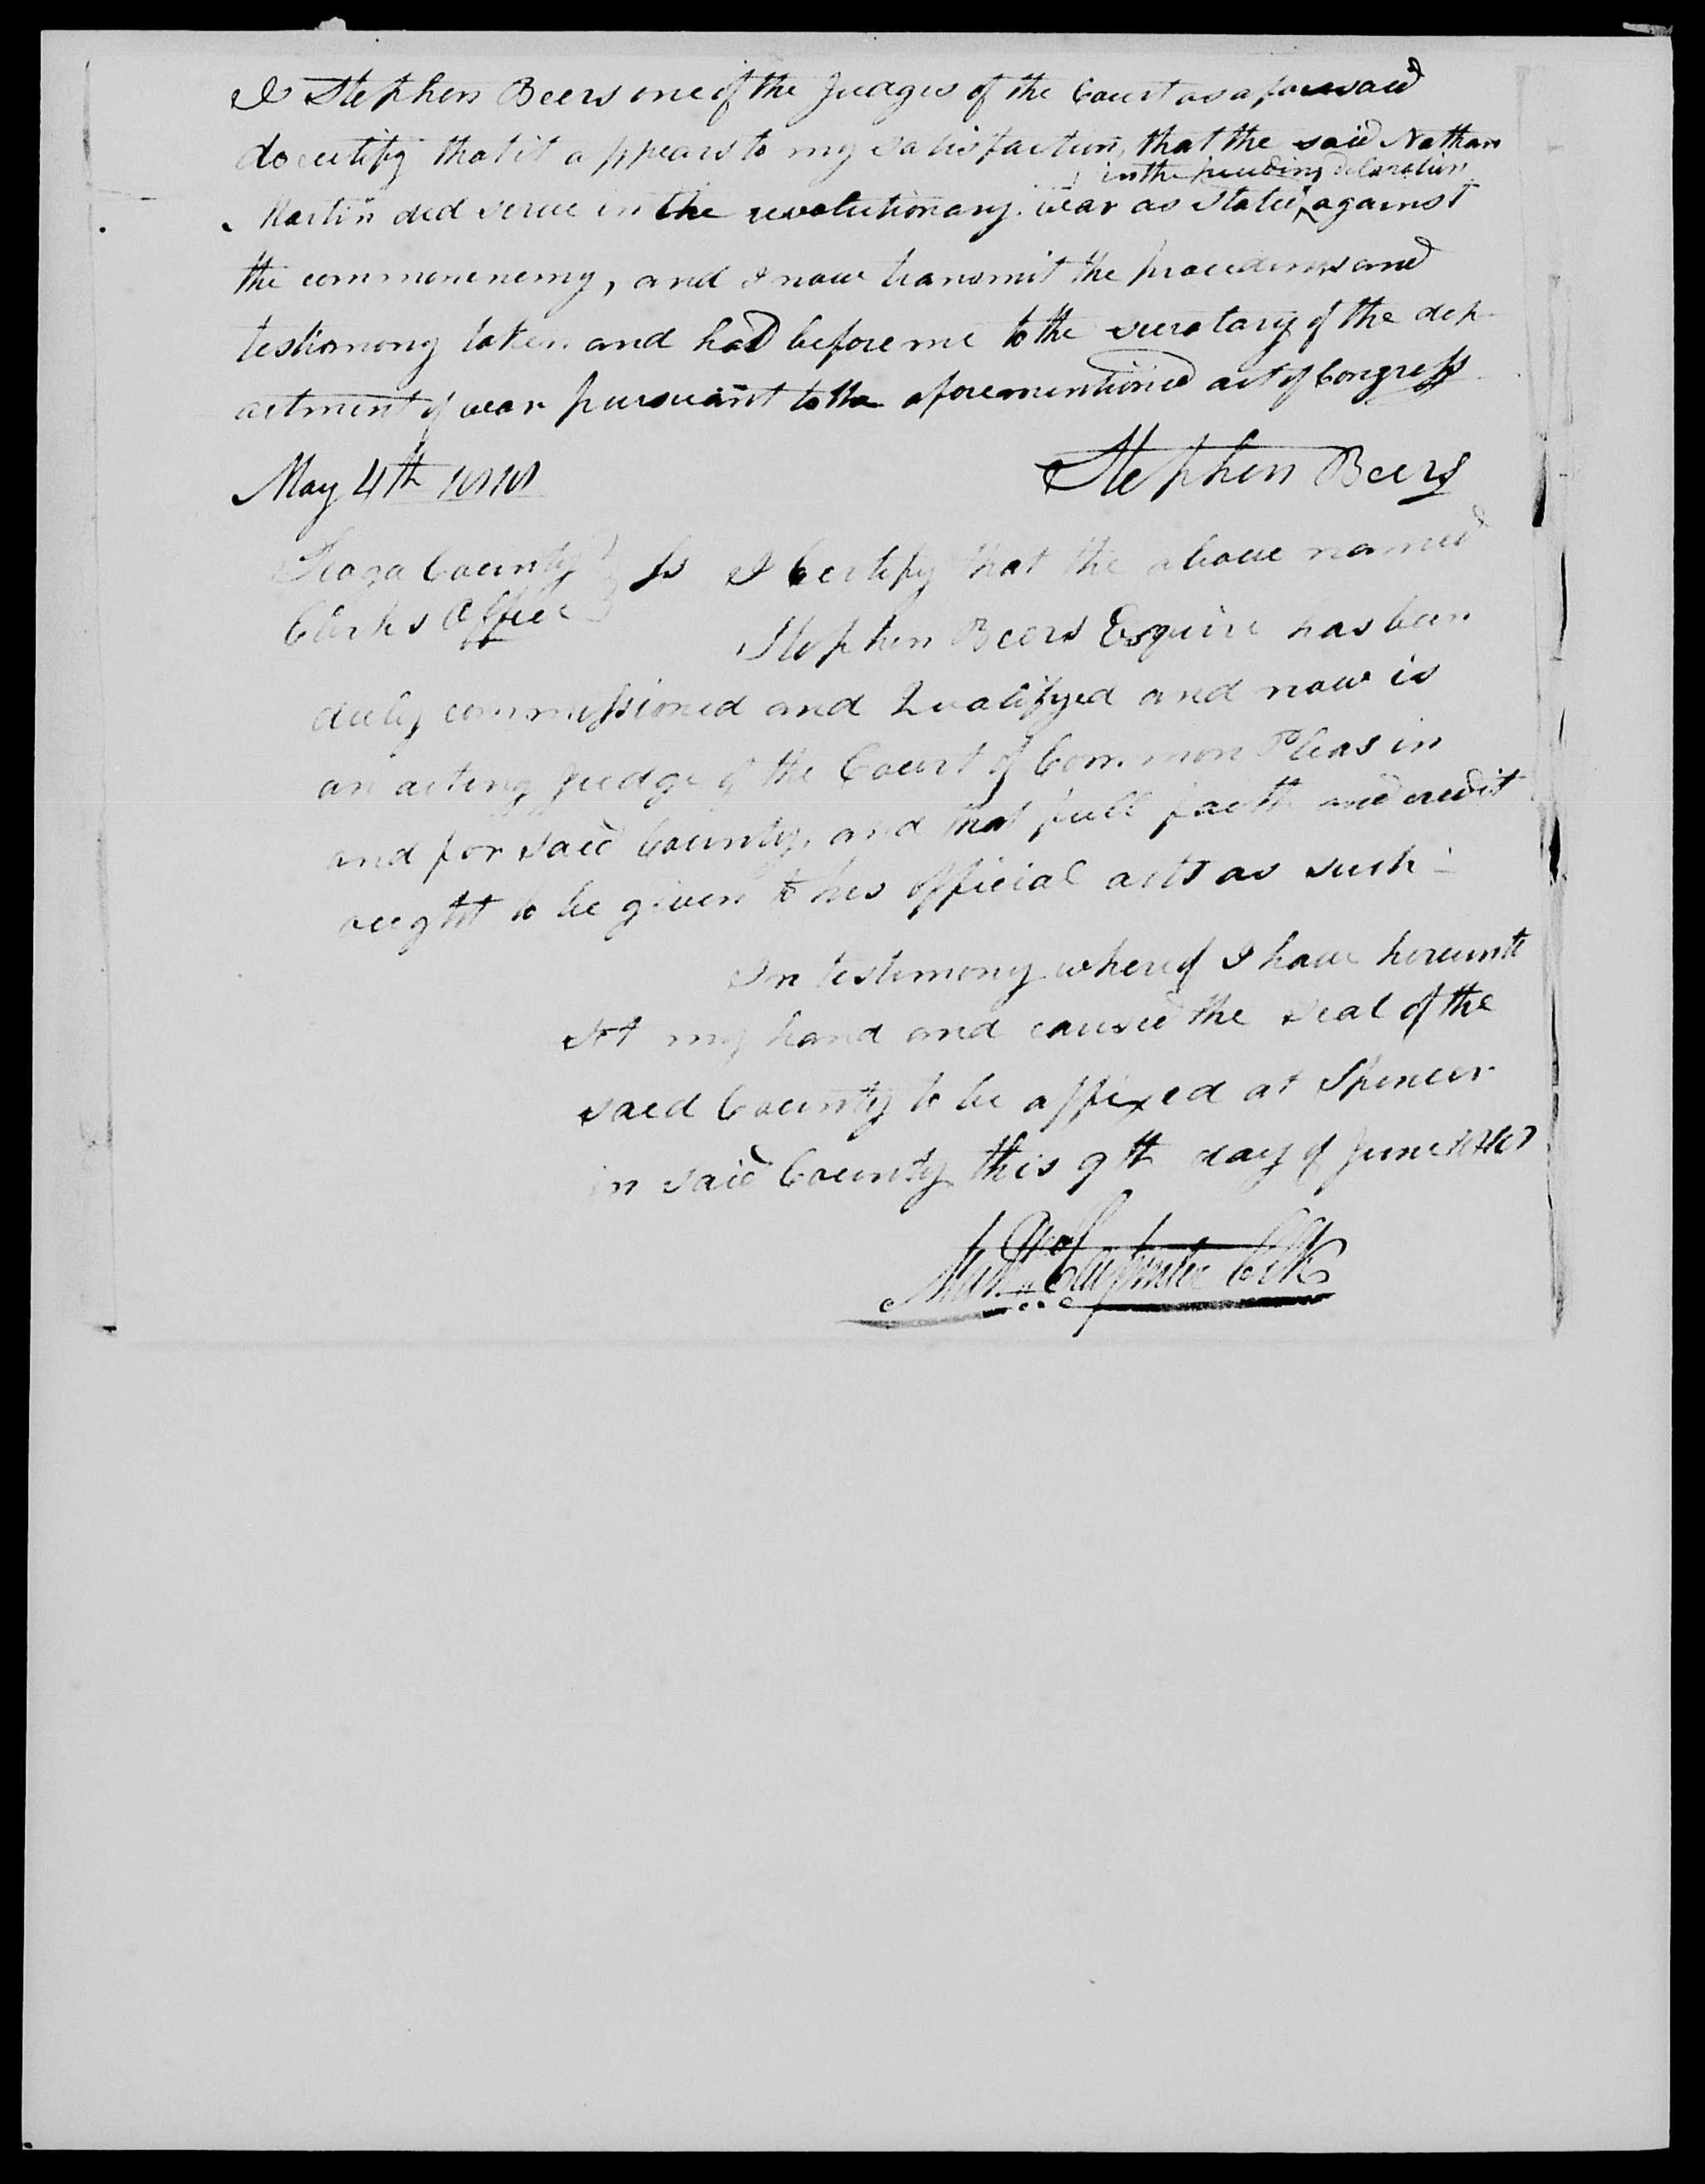I Stephen Beers one of the Judges of the Court as aforesaid
do certify that it appears to my satisfaction that the said Nathan
Martin did serve in the revolutionary war as stated in the preceding declarationagainst
the common enemy, and I now transmit the procedures and
testimony taken and had before me to the secretary of the department of war pursuant to the aforementioned act of Congress
May 4th 1818
Stephen Beers
Tioga County 
Clerks Office } ss I certify that the above named
Stephen Beers Esquire has been
duly commissioned and Qualifyed and now is
an acting Judge of the Court of Common Pleas in
and for said County, and that full faith and credit
ought to be given to his official acts as such.
In testimony whereof I have hereunto
set my hand and caused the seal of the
said County to be affixed at Spencer
in said County this 9th day of June 1818
[signature] Clk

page: 4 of 30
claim: widow's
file: W. 23,904, for Nathan Martin, New Hampshire